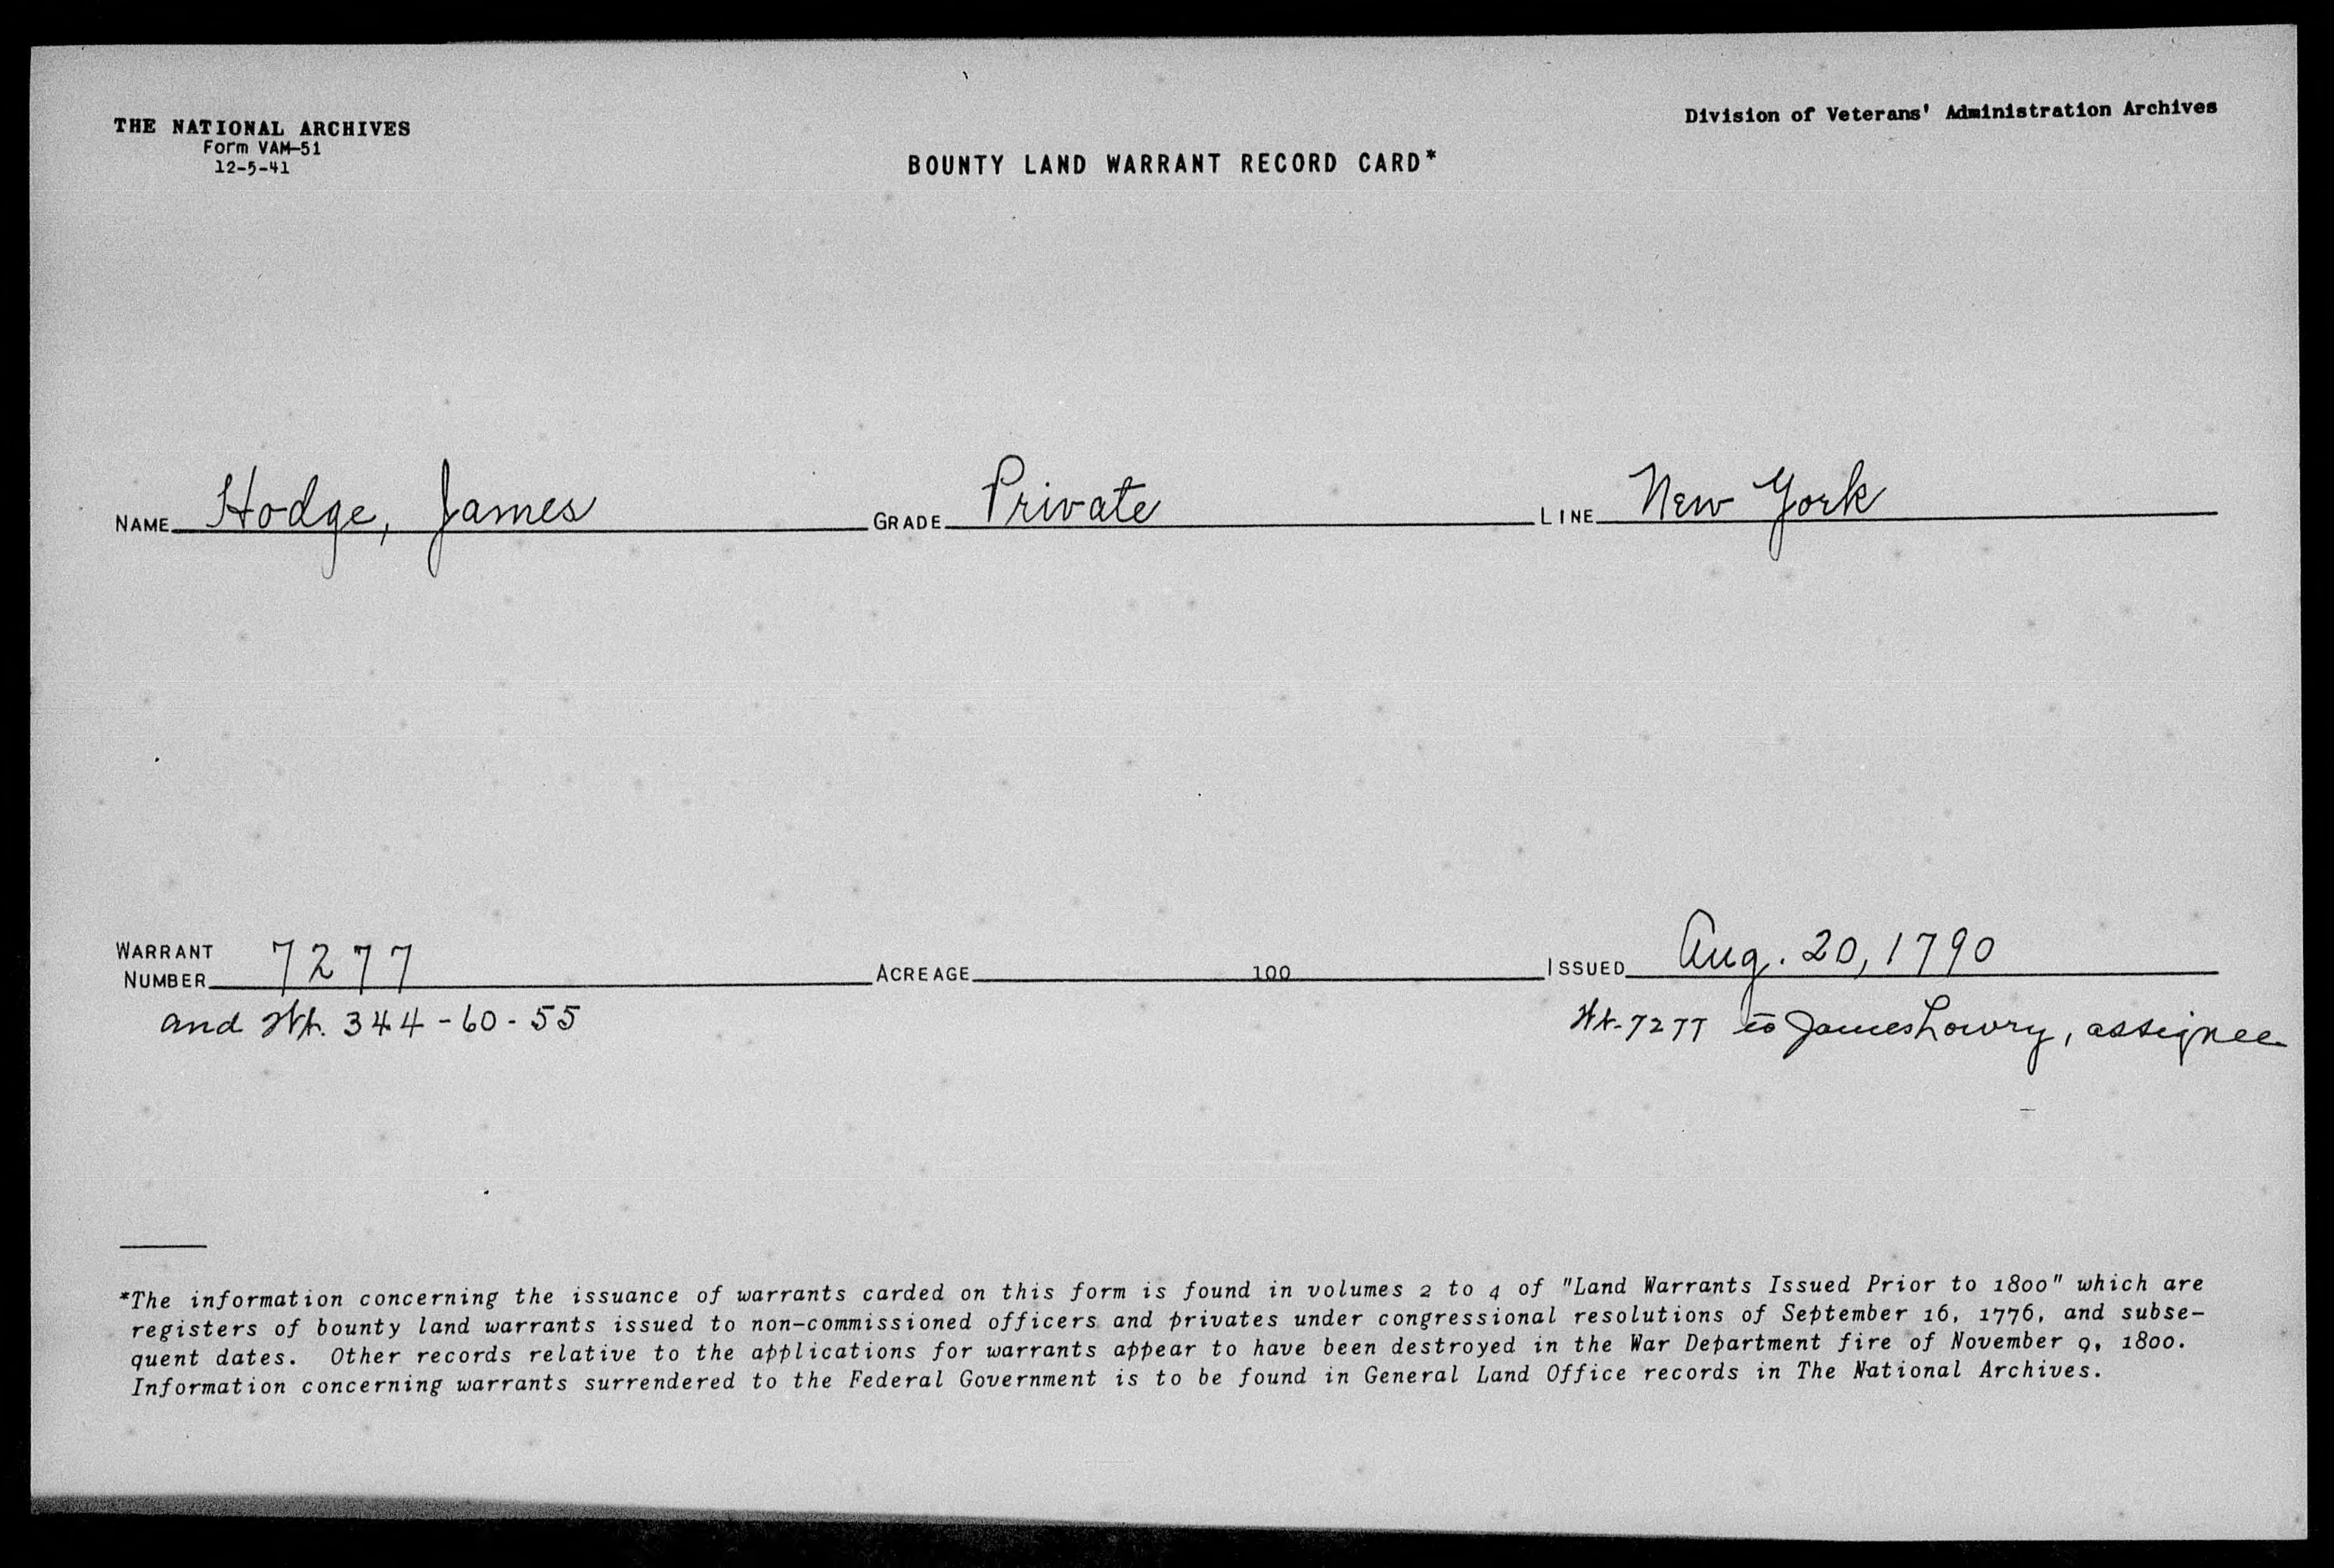Division of Veterans' Administration Archives
THE NATIONAL ARCHIVES
Form VAM-51
12-5-41
BOUNTY LAND WARRANT RECORD CARD*
NAME Hodge, James
GRADE Private
LINE New York
WARRANT NUMBER 7277
ACREAGE 100
ISSUED Aug. 20, 1790
and HA. 344-60-55
HA-7277 to James Lowry, assignee

*The information concerning the issuance of warrants carded on this form is found in volumes 2 to 4 of "Land Warrants Issued Prior to 1800" which are registers of bounty land warrants issued to non-commissioned officers and privates under congressional resolutions of September 16, 1776 and subsequent dates. Other records relative to the applications for warrants appear to have been destroyed in the War Department fire of November 9, 1800. Information concerning warrants surrendered to the Federal Government is to be found in General Land Office records in The National Archives.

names: James Hodge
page: 8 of 48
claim: widow's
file: W. 10476, James Hodge, New York